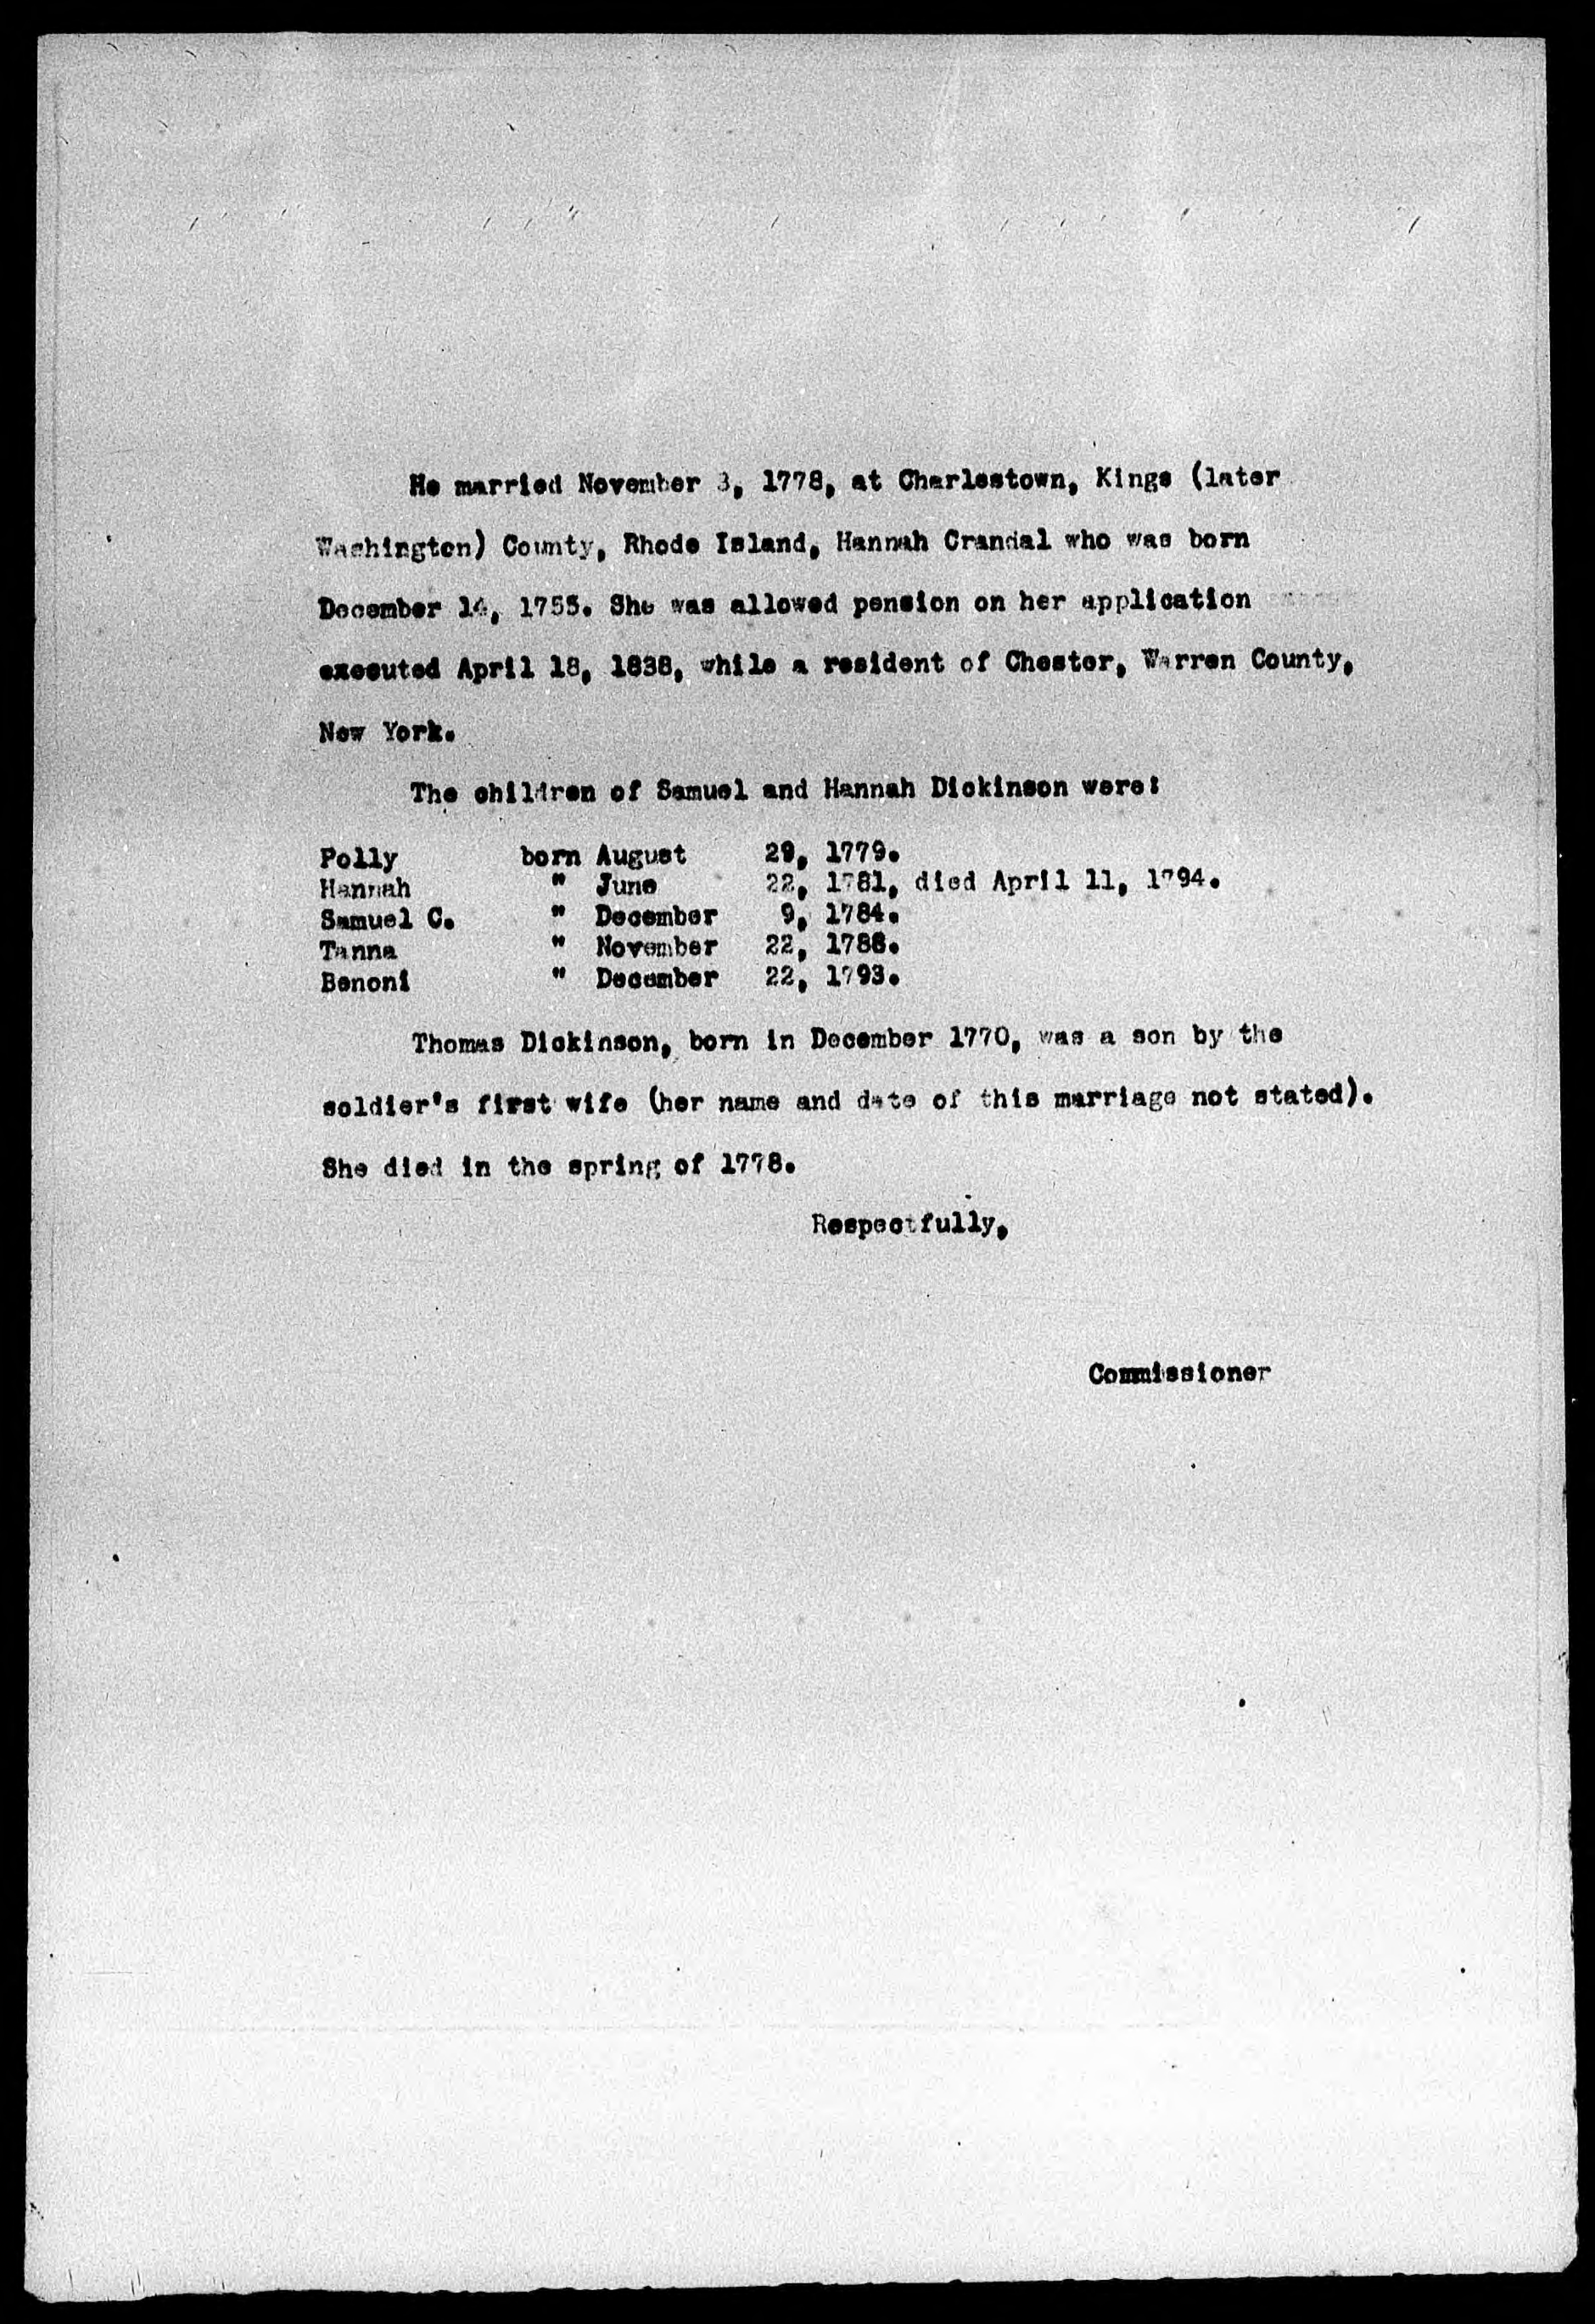He married November 3, 1778, at Charlestown, Kings (later
Washington) County, Rhode Island, Hannah Crandal who was born
December 14, 1755. She was allowed pension on her application executed April 18, 1838, while a resident of Chester, Warren County, New York.
The children of Samuel and Hannah Dickinson were:
Polly born August 29, 1779.
Hannah born June 22, 1781, died April 11, 1794.
Samuel C. born December 9, 1784
Tanna born November 22, 1788.
Benoni born December 22, 1793.
Thomas Dickinson, born in December 1770, was a son by the
soldier's first wife (her name and date of this marriage not stated).
She died in the spring of 1778.
Respectfully,
Commissioner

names: Hannah Crandal, Thomas Dickinson, Hannah, Polly, Benoni, Hannah Dickinson, Samuel Dickinson, Samuel C, Tanna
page: 21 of 60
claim: widow's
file: W 16,955, Samuel Dickinson, Conn.